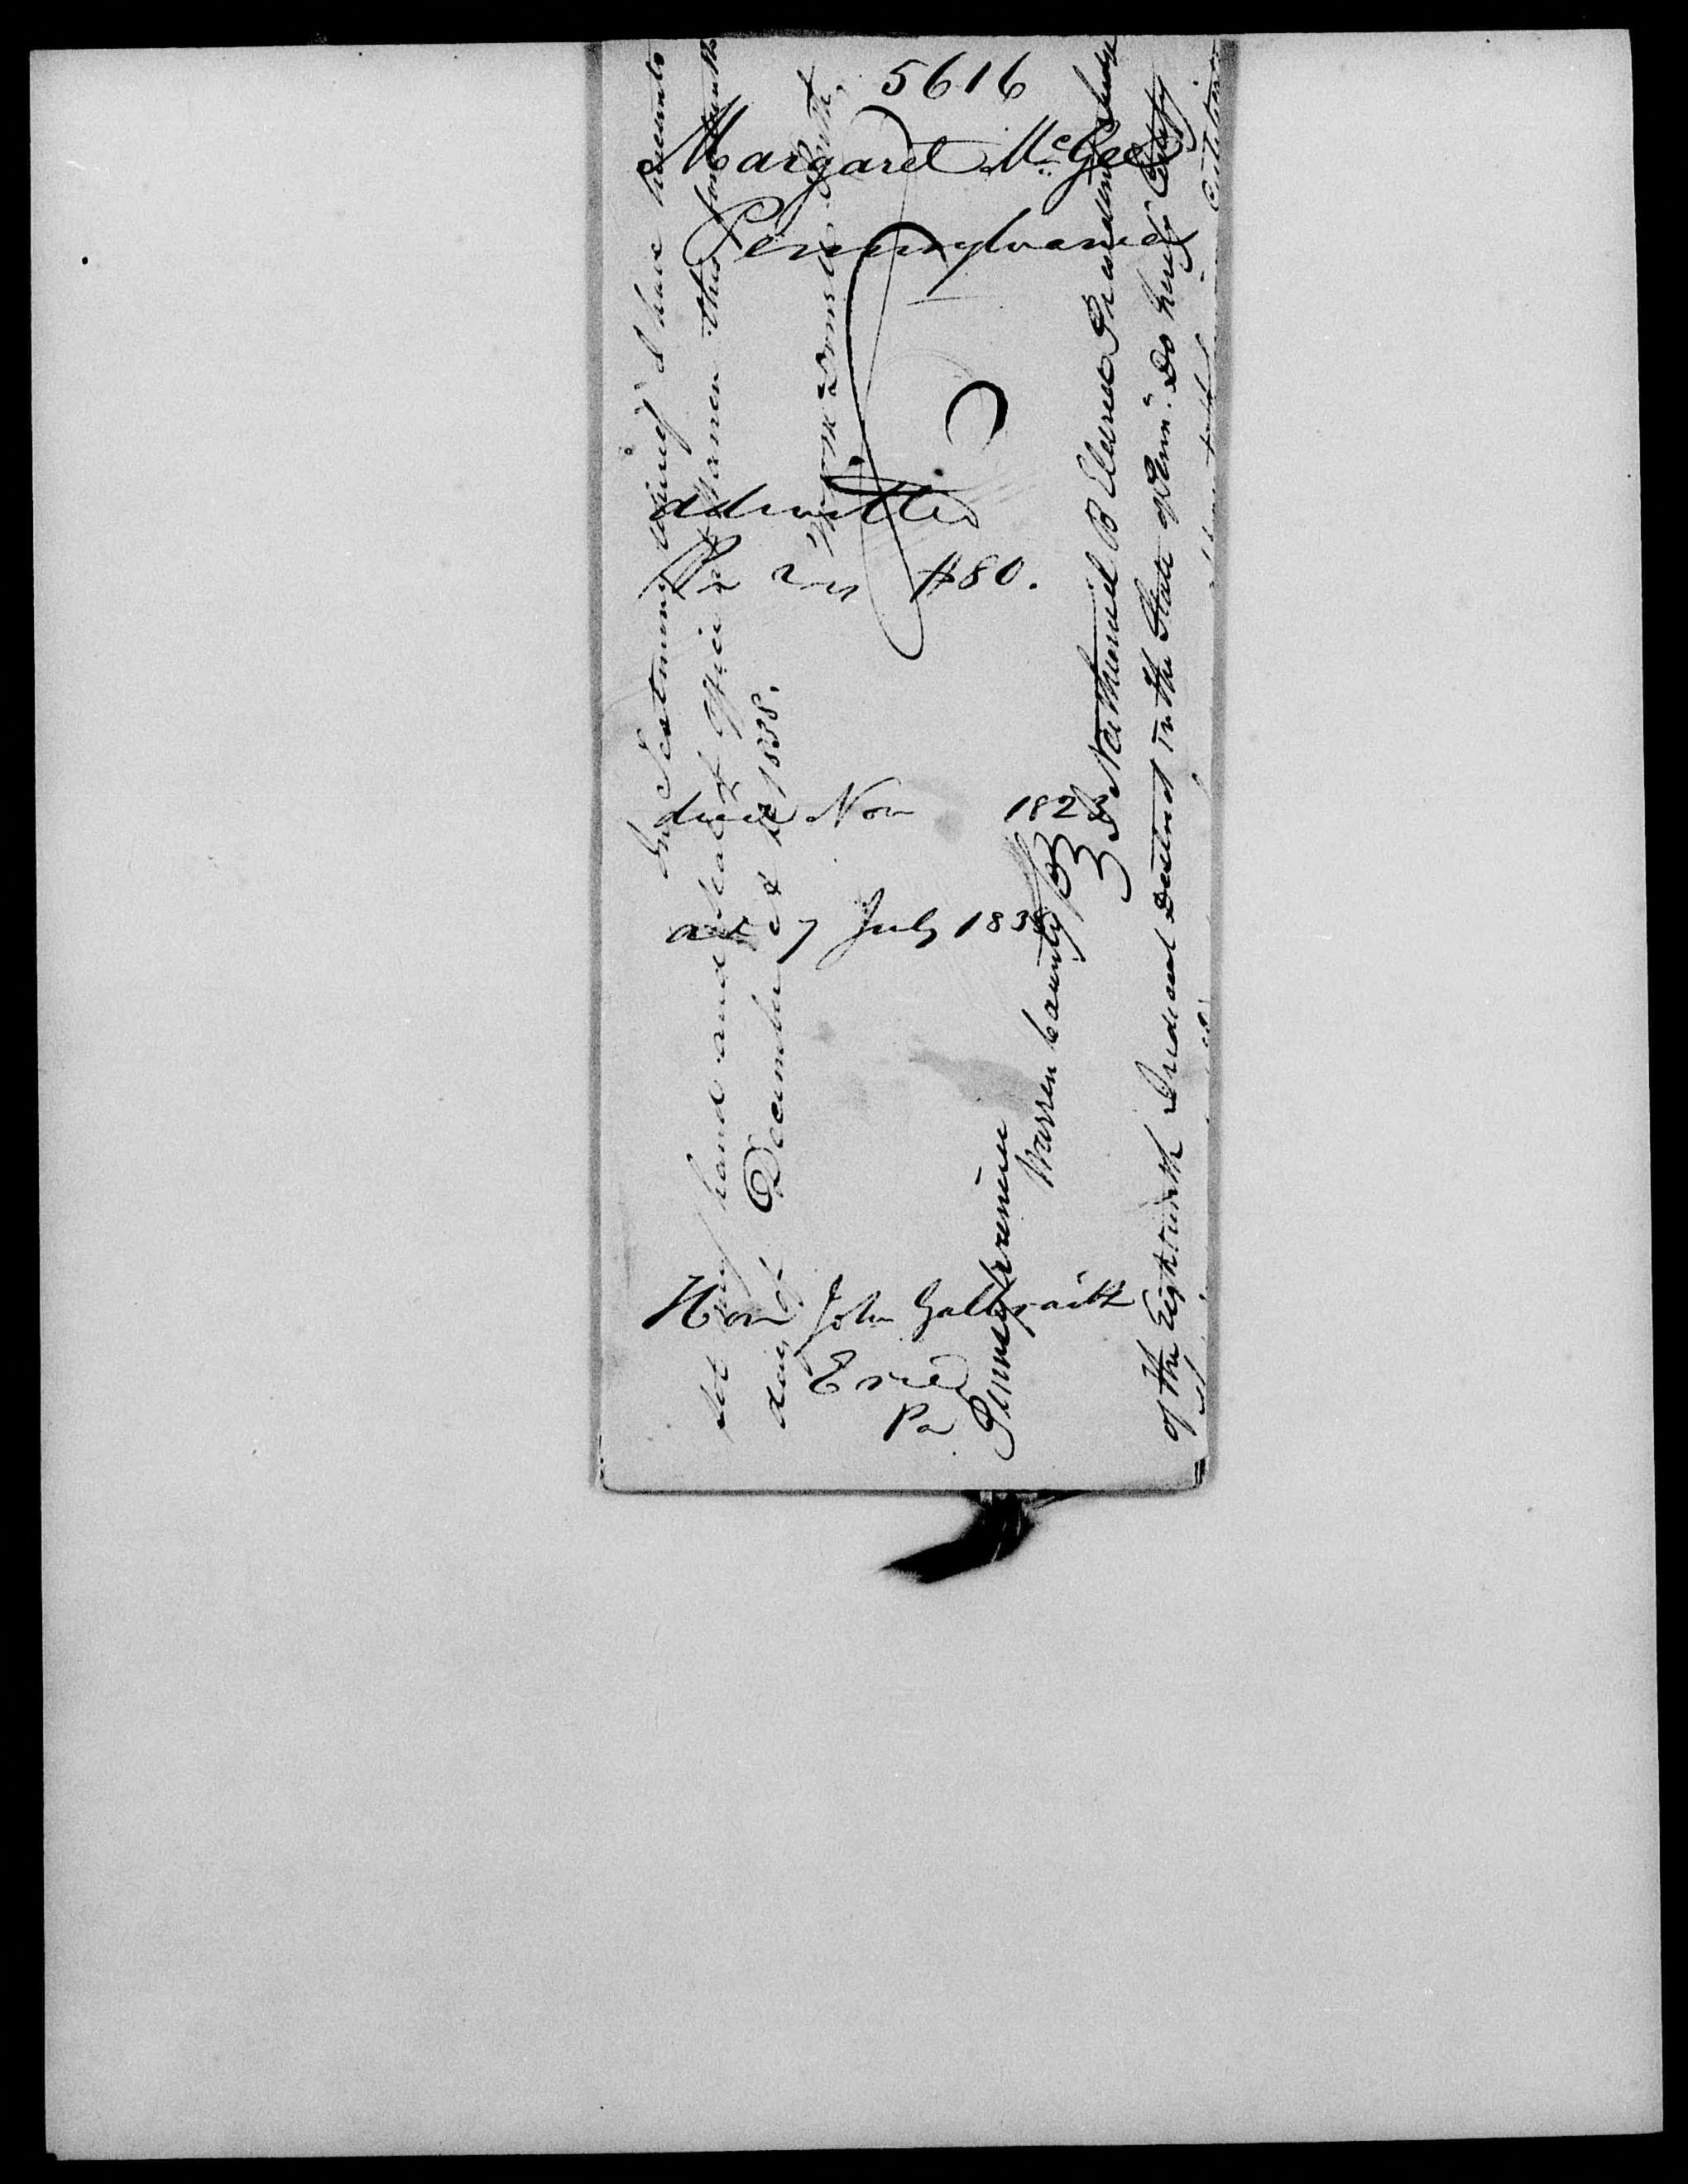5616
Margaret McGee
Pennsylvania
Admitted
Per ann $80
died Nov 1823
died 7 July 1838
Hon John Galbraith
Erie
Pa

(vertical)

In testimony thereof I have hereunto set my hand and seal of office at Warren this fourteenth day of December A D 1838.
W M Donsell Proth [Prothonatory]

Pennsylvania
Warren County } I Nathaniel B Everest Presiding Judge of the Eighteenth Judicial District in the State of Penn. Do hereby certify 
[remainder of page cut off]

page: 7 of 77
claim: widow's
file: W 2954, for James Mc Gee, Delaware